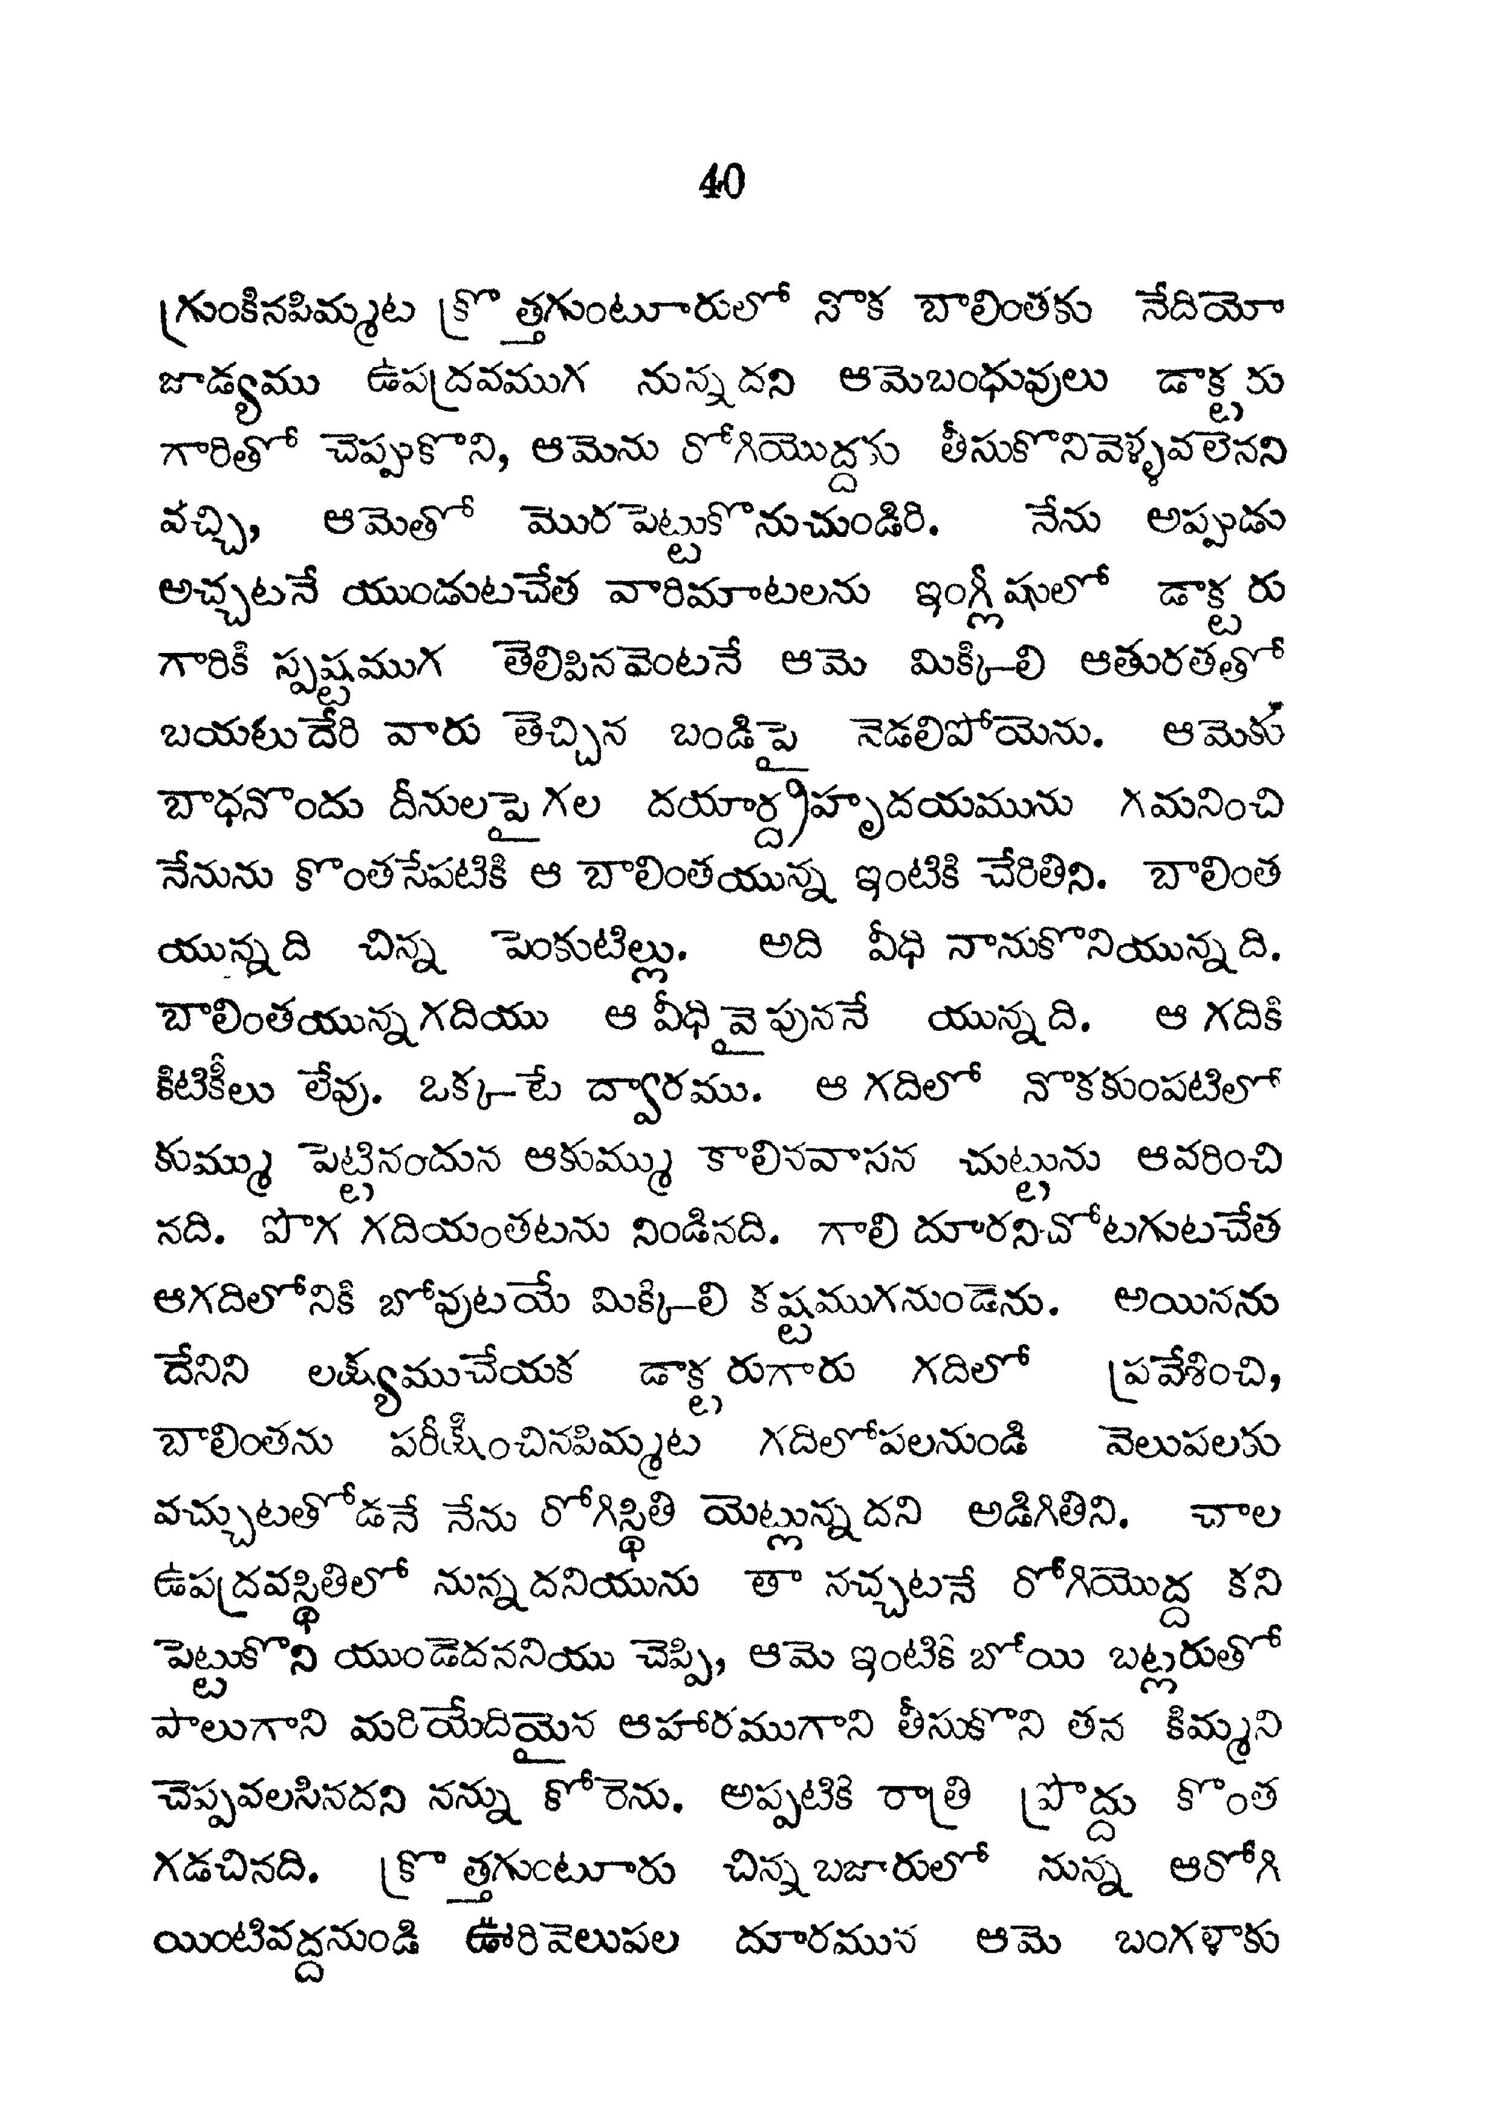గ్రుంకినపిమ్మట క్రొత్తగుంటూరులో నొక బాలింతకు నేదియో జాడ్యము ఉపద్రవముగ నున్నదని ఆమెబంధువులు డాక్టరుగారితో చెప్పుకొని, ఆమెను రోగియొద్దకు తీసుకొనివెళ్ళవలెనని వచ్చి, ఆమెతో మొరపెట్టుకొనుచుండిరి. నేను అప్పుడు అచ్చటనే యుండుటచేత వారిమాటలను ఇంగ్లీషులో డాక్టరుగారికి స్పష్టముగ తెలిపినవెంటనే ఆమె మిక్కిలి ఆతురతతో బయలుదేరి వారు తెచ్చిన బండిపై వెడలిపోయెను. ఆమెకు బాధనొందు దీనులపైగల దయార్ద్రహృదయమును గమనించి నేనును కొంతసేపటికి ఆ బాలింతయున్న ఇంటికి చేరితిని. బాలింత యున్నది చిన్న పెంకుటిల్లు, అది వీధి నానుకొనియున్నది. బాలింతయున్నగదియు ఆ వీధివైపుననే యున్నది. ఆ గదికి కిటికీలు లేవు. ఒక్కటే ద్వారము. ఆ గదిలో నొకకుంపటిలో కుమ్ము పెట్టినందున ఆకుమ్ము కాలినవాసన చుట్టును ఆవరించినది. పొగ గదియంతటను నిండినది. గాలి దూరనిచోటగుటచేత ఆగదిలోనికి బోవుటయే మిక్కిలి కష్టముగనుండెను. అయినను దేనిని లక్ష్యముచేయక డాక్టరుగారు గదిలో ప్రవేశించి, బాలింతను పరీక్షించినపిమ్మట గదిలోపలనుండి వెలుపలకు వచ్చుటతోడనే నేను రోగిస్థితి యెట్లున్నదని అడిగితిని. చాల ఉపద్రవస్థితిలో నున్నదనియును తా నచ్చటనే రోగియొద్ద కనిపెట్టుకొని యుండెదననియు చెప్పి, ఆమె ఇంటికి బోయి బట్లరుతో పాలుగాని మరియేదియైన ఆహారముగాని తీసుకొని తన కిమ్మని చెప్పవలసినదని నన్ను కోరెను. అప్పటికి రాత్రి ప్రొద్దు కొంత గడచినది. క్రొత్తగుంటూరు చిన్న బజారులో నున్న ఆరోగి యింటివద్దనుండి ఊరివెలుపల దూరమున ఆమె బంగళాకు